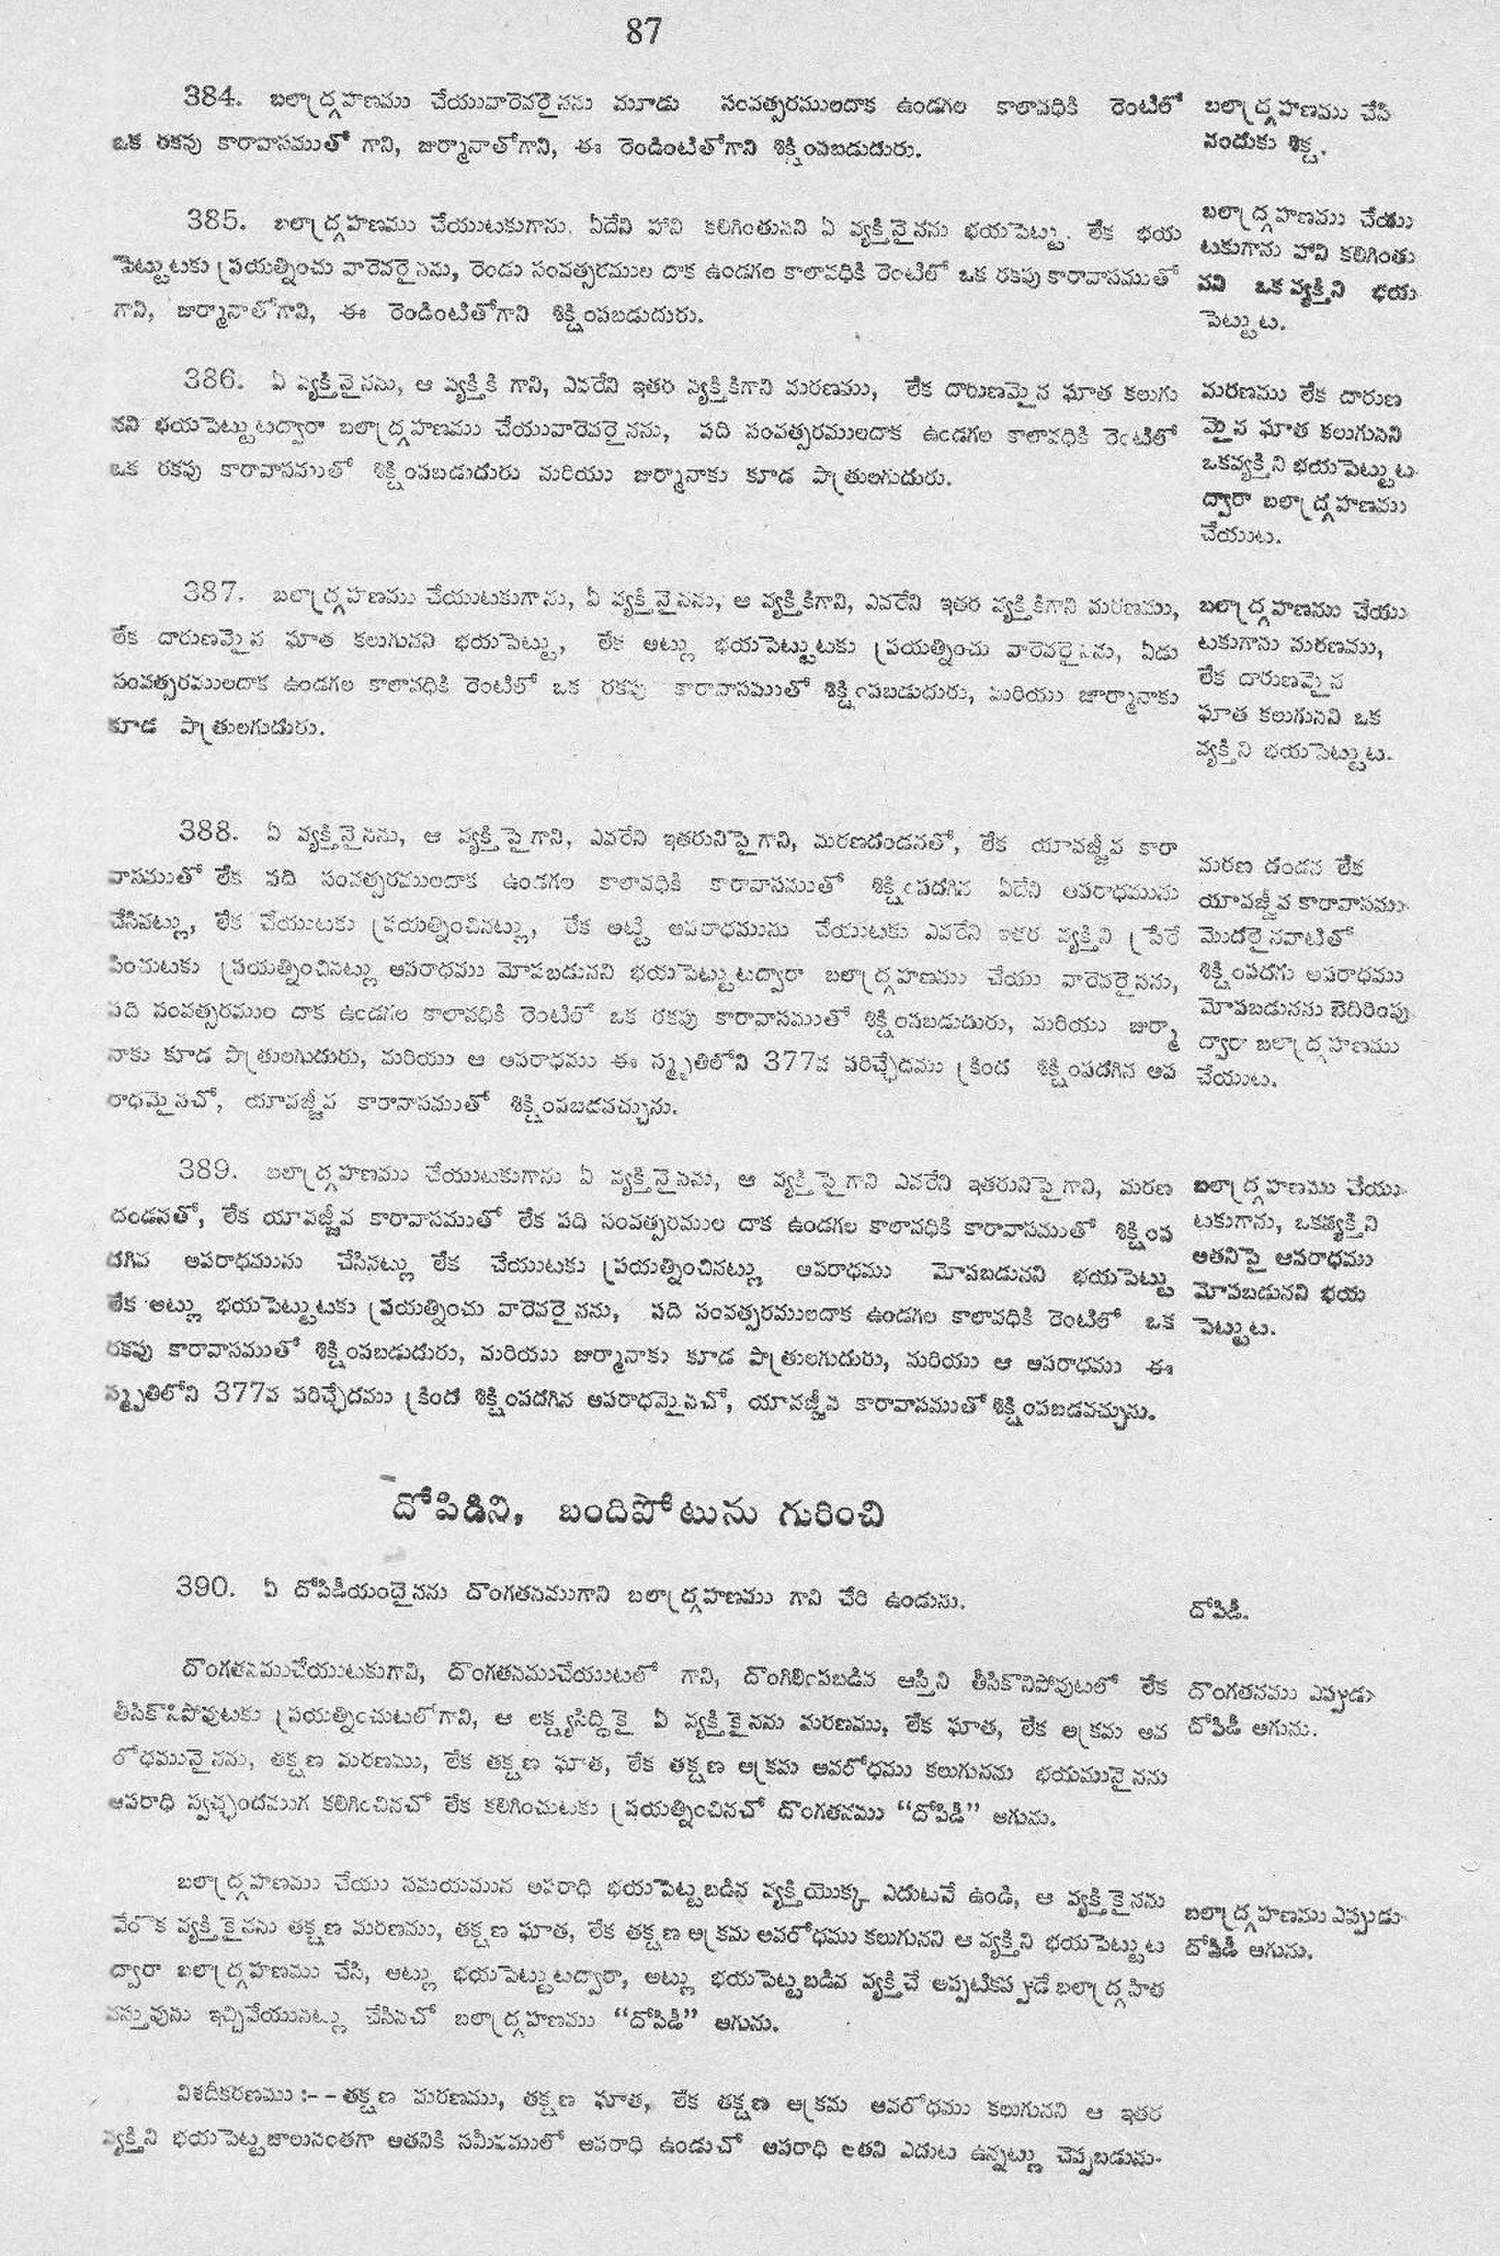బలాద్గ్రహణము చేసినందుకు శిక్ష,

384. బలాద్రహణము చేయువారెవరై నను మూడు సంవత్సరములదాక ఉండగల కాలావధికి రెంటిలో ఒక రకపు కారావాసముతో గాని, జుర్మానాతోగాని, ఈ రెండింటితోగాని శిక్షింపబడుదురు.

బలాద్గ్రహణము చేయుటకుగాను హాని కలిగింతునని ఒక వ్యక్తిని భయపెట్టుట.

385. బలాద్గ్రహణము చేయుటకుగాను. ఏదేని హాని కలిగింతునిని ఏ వ్యక్తినైనను భయ పెట్ట. లేక భయపెట్టుటకు ప్రయత్నించు వారెవరైనను, రెండు సంవత్సరముల దాక ఉండగల కాలావధికి రెంటిలో ఒక రకపు కారావాసముతో గాని, 'జుర్మానాలో గాని, ఈ రెండింటితోగాని శిక్షింపబడుదురు.

మరణము లేక దారుణమైన ఘాత కలుగునని ఒకవ్యక్తిని భయ పెట్టుట ద్వారా బలాద్గ్రహణము చేయుట.

386. ఏ వ్యక్తినైనను, వ్యక్తి కి గాని, ఎవరేని ఇతర వ్యక్తికిగాని మరణము, లేక దారుణమైన ఘాత కలుగు నని భయ పెట్టుటద్వారా బలాద్గ్రహణము చేయువారెవరైనను, పది సంవత్సరములదాక ఉండగల కాలావధికి రెంటిలో ఒక రకపు కారావాసముతో శిక్షింపబడుదురు మరియు జుర్మానాకు కూడ పాత్రులగుదురు.

బలాద్గ్రహణను చేయుటకుగాను మరణము, లేక దారుణమైన ఘాత కలుగునని ఒక వ్యక్తిని భయ పెట్టుట.

387, బలాద్గ్రహణము చేయుటకుగాను, ఏ వ్యక్తి నై నను, ఆ వ్యక్తి కిగాని, ఎవరేని ఇతర వ్యక్తి కి గాని మరణము, లేక దారుణమైన ఘాత కలుగునని భయ పెట్టు, లేక అటు భయ పెట్టుటకు ప్రయత్నించు వారెవరైనను, ఏడు సంవత్సరములదాక ఉండగల కాలావధికి రెంటికో ఒక రకపు కారావాసముతో శిక్షింపబడుదురు, మరియు జూర్మానాకు కూడ పాత్రులగుదురు.

మరణ దండన లేక యావజ్జీవ కారావాసము,మొదలై నవాటితో శిక్షింపదగు అపరాధము మోపబడునను బెదిరింపు ద్వారా బలాద్గ్రహణము
చేయుట.

388. ఏ వ్యక్తి నై నను, ఆ వ్యక్తి పై గాని, ఎవరేని ఇతరుని పై గాని, మరణదండనతొ, లేక యావజ్జీవ కారావాసముతో లేక పది సంవత్సరములదాక ఉండగల కాలావధికి కారావాసముతో శిక్షింపదగిన ఏదేని ఆపరాధమును చేసినట్లు, లేక చేయుటకు ప్రయత్నించినట్లు, లేక అట్టి అపరాధమును చేయుటకు ఎవరేని ఇతర వ్యక్తిని ప్రేరే పించుటకు ప్రయత్నించినట్లు అపరాధము మోపబడునని భయ పెట్టుట ద్వారా బలాద్గ్రహణము చేయు వారెవరైనను, పది సంవత్సరముల దాక ఉండగల కాలావధికి రెంటిలో ఒక రకపు కారావాసముతో శిక్షింపబడుదురు, మరియు జుర్మా నాకు కూడ పాత్రులగుదురు, మరియు ఆ ఆపరాధము ఈ స్మృతిలోని 377వ పరిచ్ఛేదము క్రింద శిక్షింపదగిన అపరాధమైనచో, యావజ్జీవ కారావాసముతో శిక్షింపబడవచ్చును.

బలాద్గ్రహణము చేయుటకుగాను, ఒకవ్యక్తిని అతని పై ఆపరాధము మోపబడునని భయపెట్టుట. 

389. బలాద్గ్రహణము చేయుటకుగాను ఏ వ్యక్తి నైనను, ఆ వ్యక్తి పై గాని ఎవరేని ఇతరుని పై గాని, మరణ దండనతో, లేక యావజ్జీవ కారావాసముతో లేక పది సంవత్సరముల దాక ఉండగల కాలావధికి కారావాసముతో శిక్షింపదగిన అపరాధమును చేసినట్లు లేక చేయుటకు ప్రయత్నించినట్లు అపరాధము మోపబడునని భయ పెట్టు లేక 'అట్లు భయ పెట్టుటకు ప్రయత్నించు వారెవరైనను, పది సంవత్సరములదాక ఉండగల కాలావధికి రెంటిలో ఒక రకపు కారావాసముతో శిక్షింపబడుదురు, మరియు జుర్మానాకు కూడ పాత్రులగుదురు, మరియు ఆ అపరాధము ఈ స్మృతిలోని 377వ పరిచ్ఛేదము క్రింద శిక్షింపదగిన ఆపరాధమైచో, యావజ్జీవ కారావాసముతో శిక్షింపబడవచ్చును.

దోపిడి.

390. ఏ దోపిడీయందైనను దొంగతనముగాని బలాద్గ్రహణము గాని చేరి ఉండును.

దొంగతనము ఎప్పుడు దోపిడీ అగును.

దొంగతనముచేయుటకుగాని, దొంగతనము చేయుటలో గాని, దొంగిలింపబడిన ఆస్తిని తీసికొనిపోవుటలో లేక తీసికొసిపోవుటకు ప్రయత్నించుటలో గాని, ఆ లక్ష్యసిద్ధి కై ఏ వ్యక్తి కై నమ మరణము, లేక ఘాత, లేక అక్రమ అవరోధమునైనను, తక్షణ మరణము, లేక తక్షణ ఘాత, లేక తక్షణ ఆక్రమ అవరోధము కలుగునను భయమునైనను అపరాధి స్వచ్ఛందముగ కలిగించినచో లేక కలిగించుటకు ప్రయత్నించినచో దొంగతనము “దోపిడీ" ఆగును.

బలాద్గ్రహణను ఎప్పుడు దోపిడీ ఆగును,

బలాద్గ్ర హణము చేయు సమయమున అపరాధి భయ పెట్టబడిన వ్యక్తి యొక్క ఎదుటనే ఉండి, ఆ వ్యక్తి కైనను వేరొక వ్యక్తి కై నను తక్షణ మరణము, తక్షణ ఘాత, లేక తక్షణ అక్రమ అవరోధము కలుగునని ఆ వ్యక్తిని భయ పెట్టుట ద్వారా బలాద్గ్రహణము చేసి, అట్లు భయ పెట్టుటద్వారా, అట్లు భయపెట్టబడిన వ్యక్తి చే అప్పటికప్పుడే బలాద్గ్ర హిత వస్తువును ఇచ్చివేయునట్లు చేసినచో బలాద్గ్ర హణము “దోపిడీ" అగును.

విశదీకరణము :-- తక్షణ మరణము, తక్షణ ఘాత, లేక తక్షణ అక్రమ ఆవరోధము కలుగునని ఆ ఇతర వ్యక్తిని భయ పెట్ట జాలునంతగా అతనికి సమీపములో అపరాధి ఉండుచో అపరాధి ఆతని ఎదుట ఉన్నట్లు చెప్పబడును.